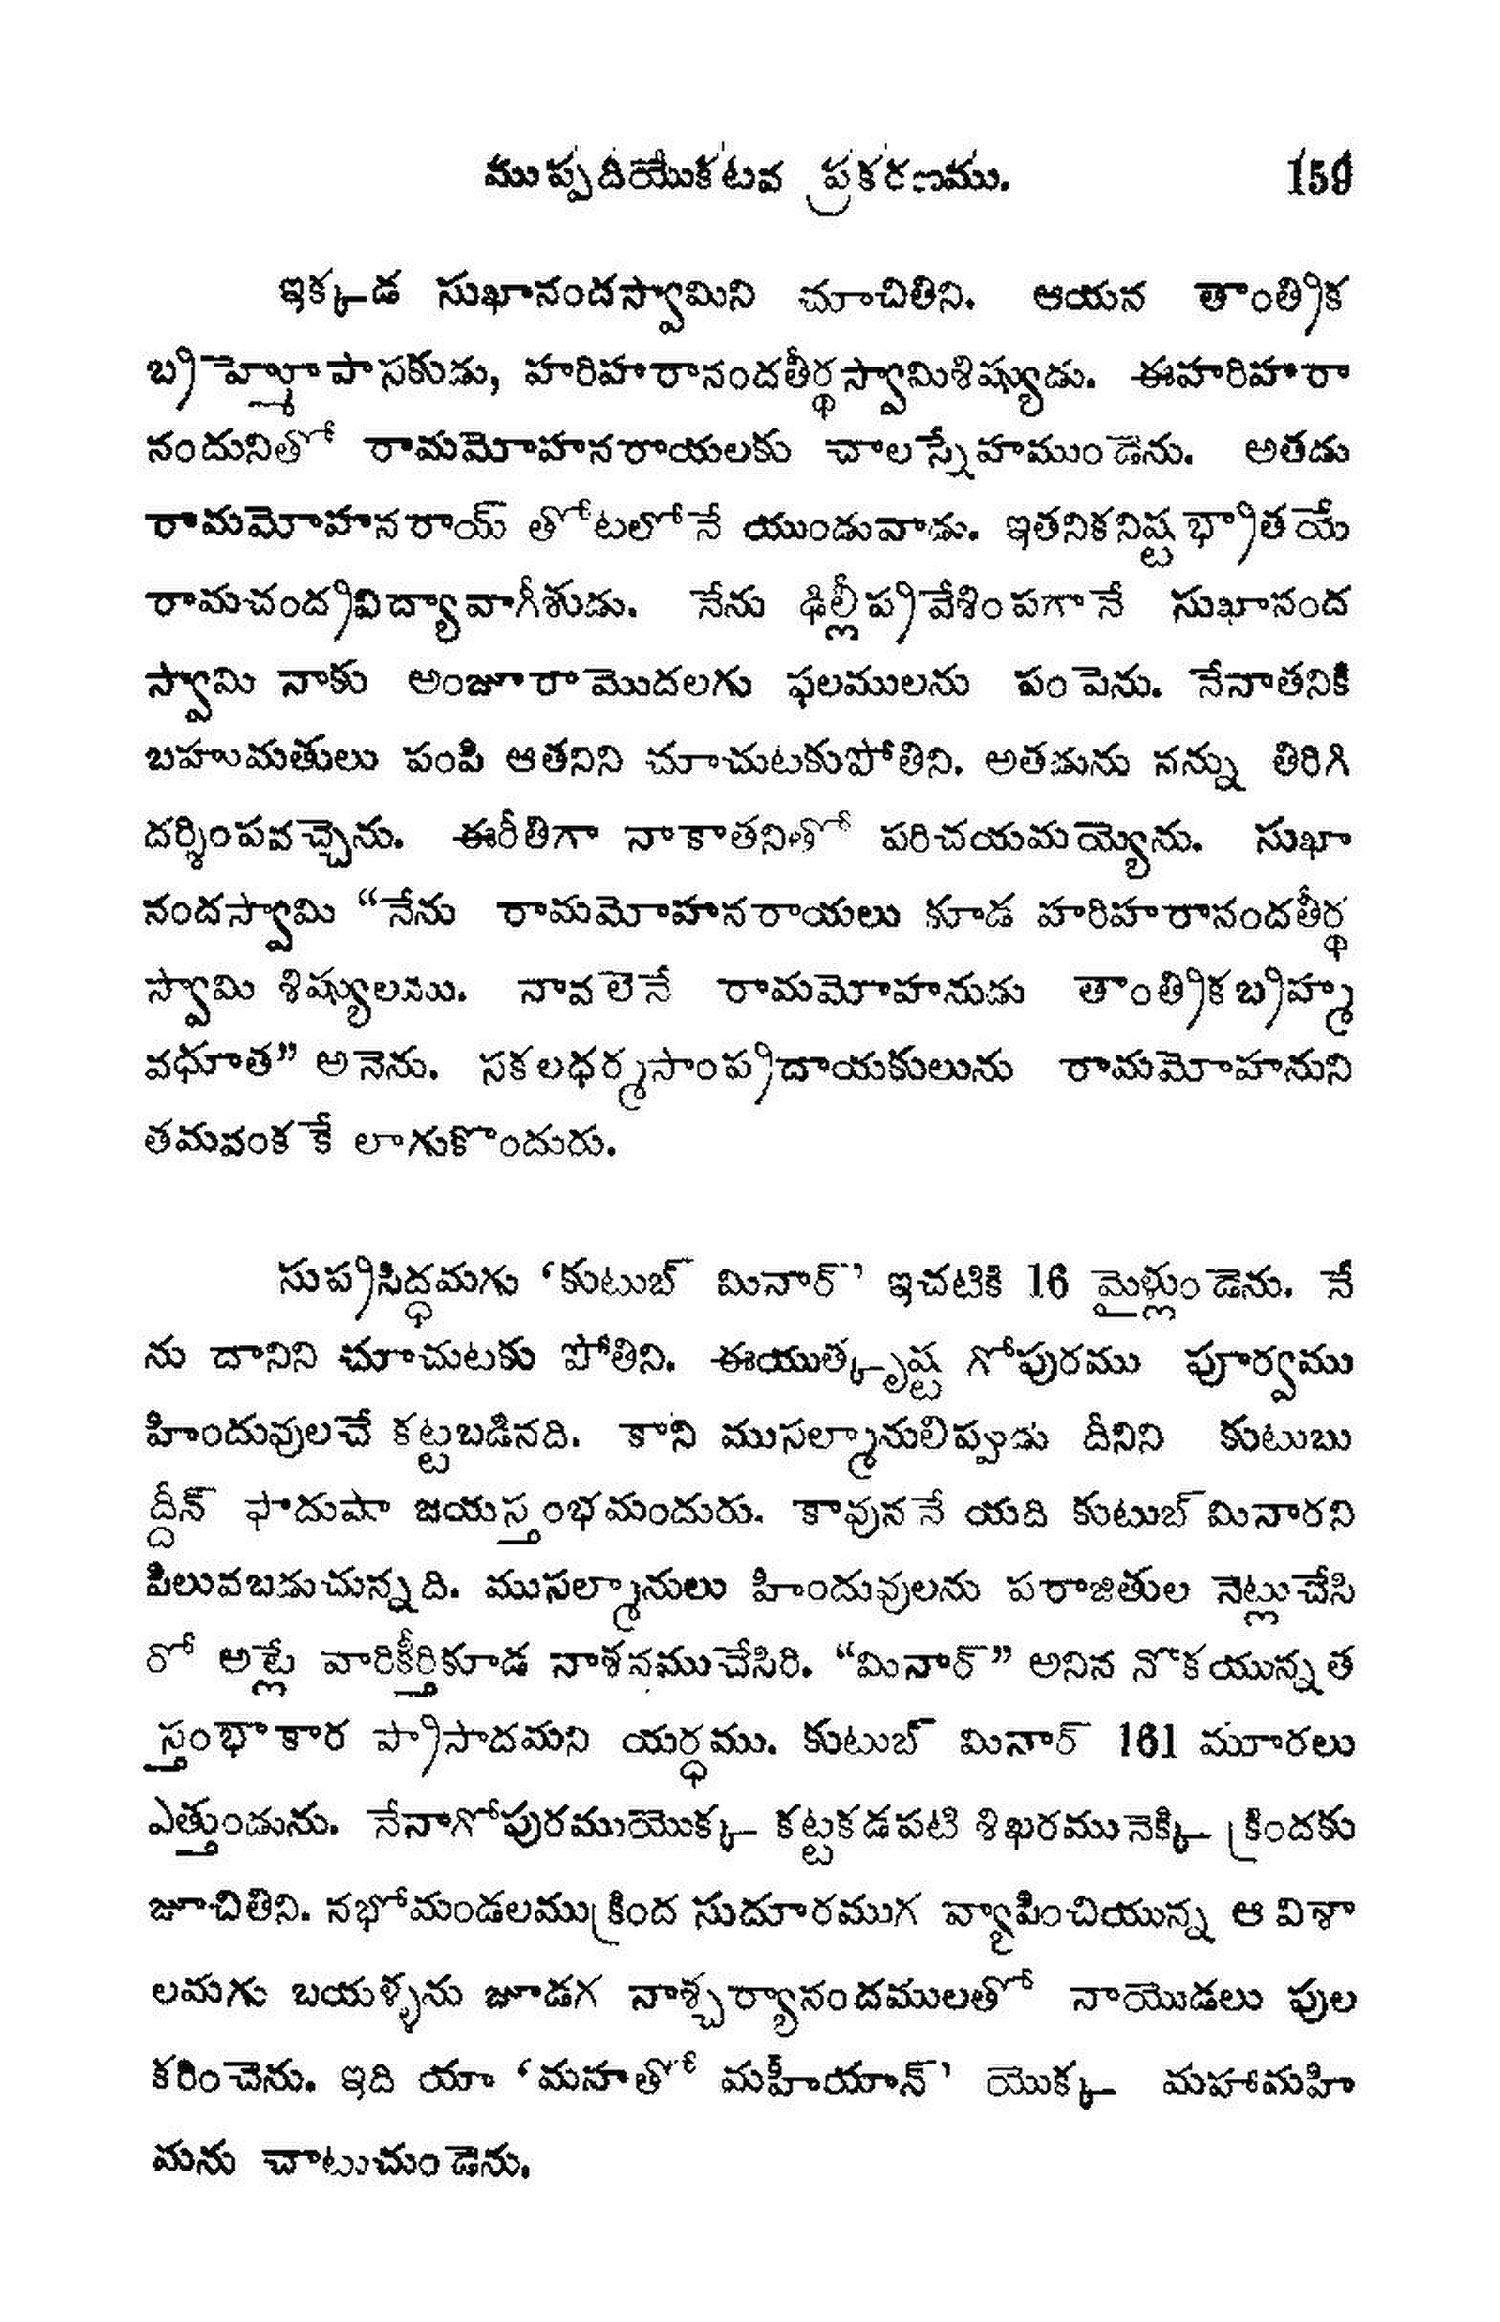ఇక్కడ సుఖానంద స్వామిని చూచితిని,ఆయన తాంత్రిక
బ్రాహ్మోపాసకుడు, హరిహరానందతీర్థ స్వామిశిష్యుడు. ఈహరిహరా
నందునితో రామమోహన రాయలకు చాల స్నేహముండెను. అతడు
రామమోహన రాయ్ తోటలో నే యుండువాడు. ఇతనిక నిష్ట బ్రాతయే
రామచంద్ర విద్యా వాగీశుడు. నేను ఢిల్లీ ప్రవేశింపగానే సుఖానంద
స్వామి నాకు అంజూరా మొదలగు ఫలములను పంపెను. నేనాతనికి
బహుమతులు పంపి ఆతనిని చూచుటకు పోతిని. అతడును నన్ను తిరిగి
దర్శింపవచ్చెను. ఈరీతిగా నాకాతనితో పరిచయమయ్యెను. సుఖా
నందస్వామి "నేను రామమోహన రాయలు కూడ హరిహరానందతీర్థ
స్వామి శిష్యులము. నావలెనే రామమోహనుడు తాంత్రిక బ్రహ్మ
వధూత” అనెను. సకలధర్మసాంప్రదాయకులును రామమోహనుని
తమవంక కే లాగుకొందురు.

సుప్రసిద్ధమగు 'కుటుబ్ మినార్ ” ఇచటికి 16 మైళ్లుండెను. నేను
దానిని చూచుటకు పోతిని. ఈయుత్కృష్ట గోపురము పూర్వము
హిందువులచే కట్టబడినది. కాని ముసల్మానులిప్పుడు దీనిని కుటుబు
ద్దీన్ పాదుషా జయస్తంభమందురు. కావుననే యది కుటుబ్ మినారని
పిలువబడుచున్నది. ముసల్మానులు హిందువులను పరాజితుల నెట్లు 
చేసిరో అట్లే వారికీర్తి కూడ నాశనము చేసిరి. “మినార్” అనిన నొక యున్నత
స్తంభాకార ప్రాసాదమని యర్ధముము, కుటుబ్ మినార్ 161 మూరలు
ఎత్తుండును. నేనాగోపురము యొక్క కట్టకడపటి శిఖరము నెక్కి క్రిందకు
జూచితిని. నభోమండలము క్రింద సుదూరముగ వ్యాపించియున్న ఆ విశా
లమగు బయళ్ళను జూడగ నాశ్చర్యానందములతో నాయొడలు ఫుల
కరించెను. ఇది యా ‘మహతో మహీయాన్' యొక్క మహామహి మను చాటుచుండెను.